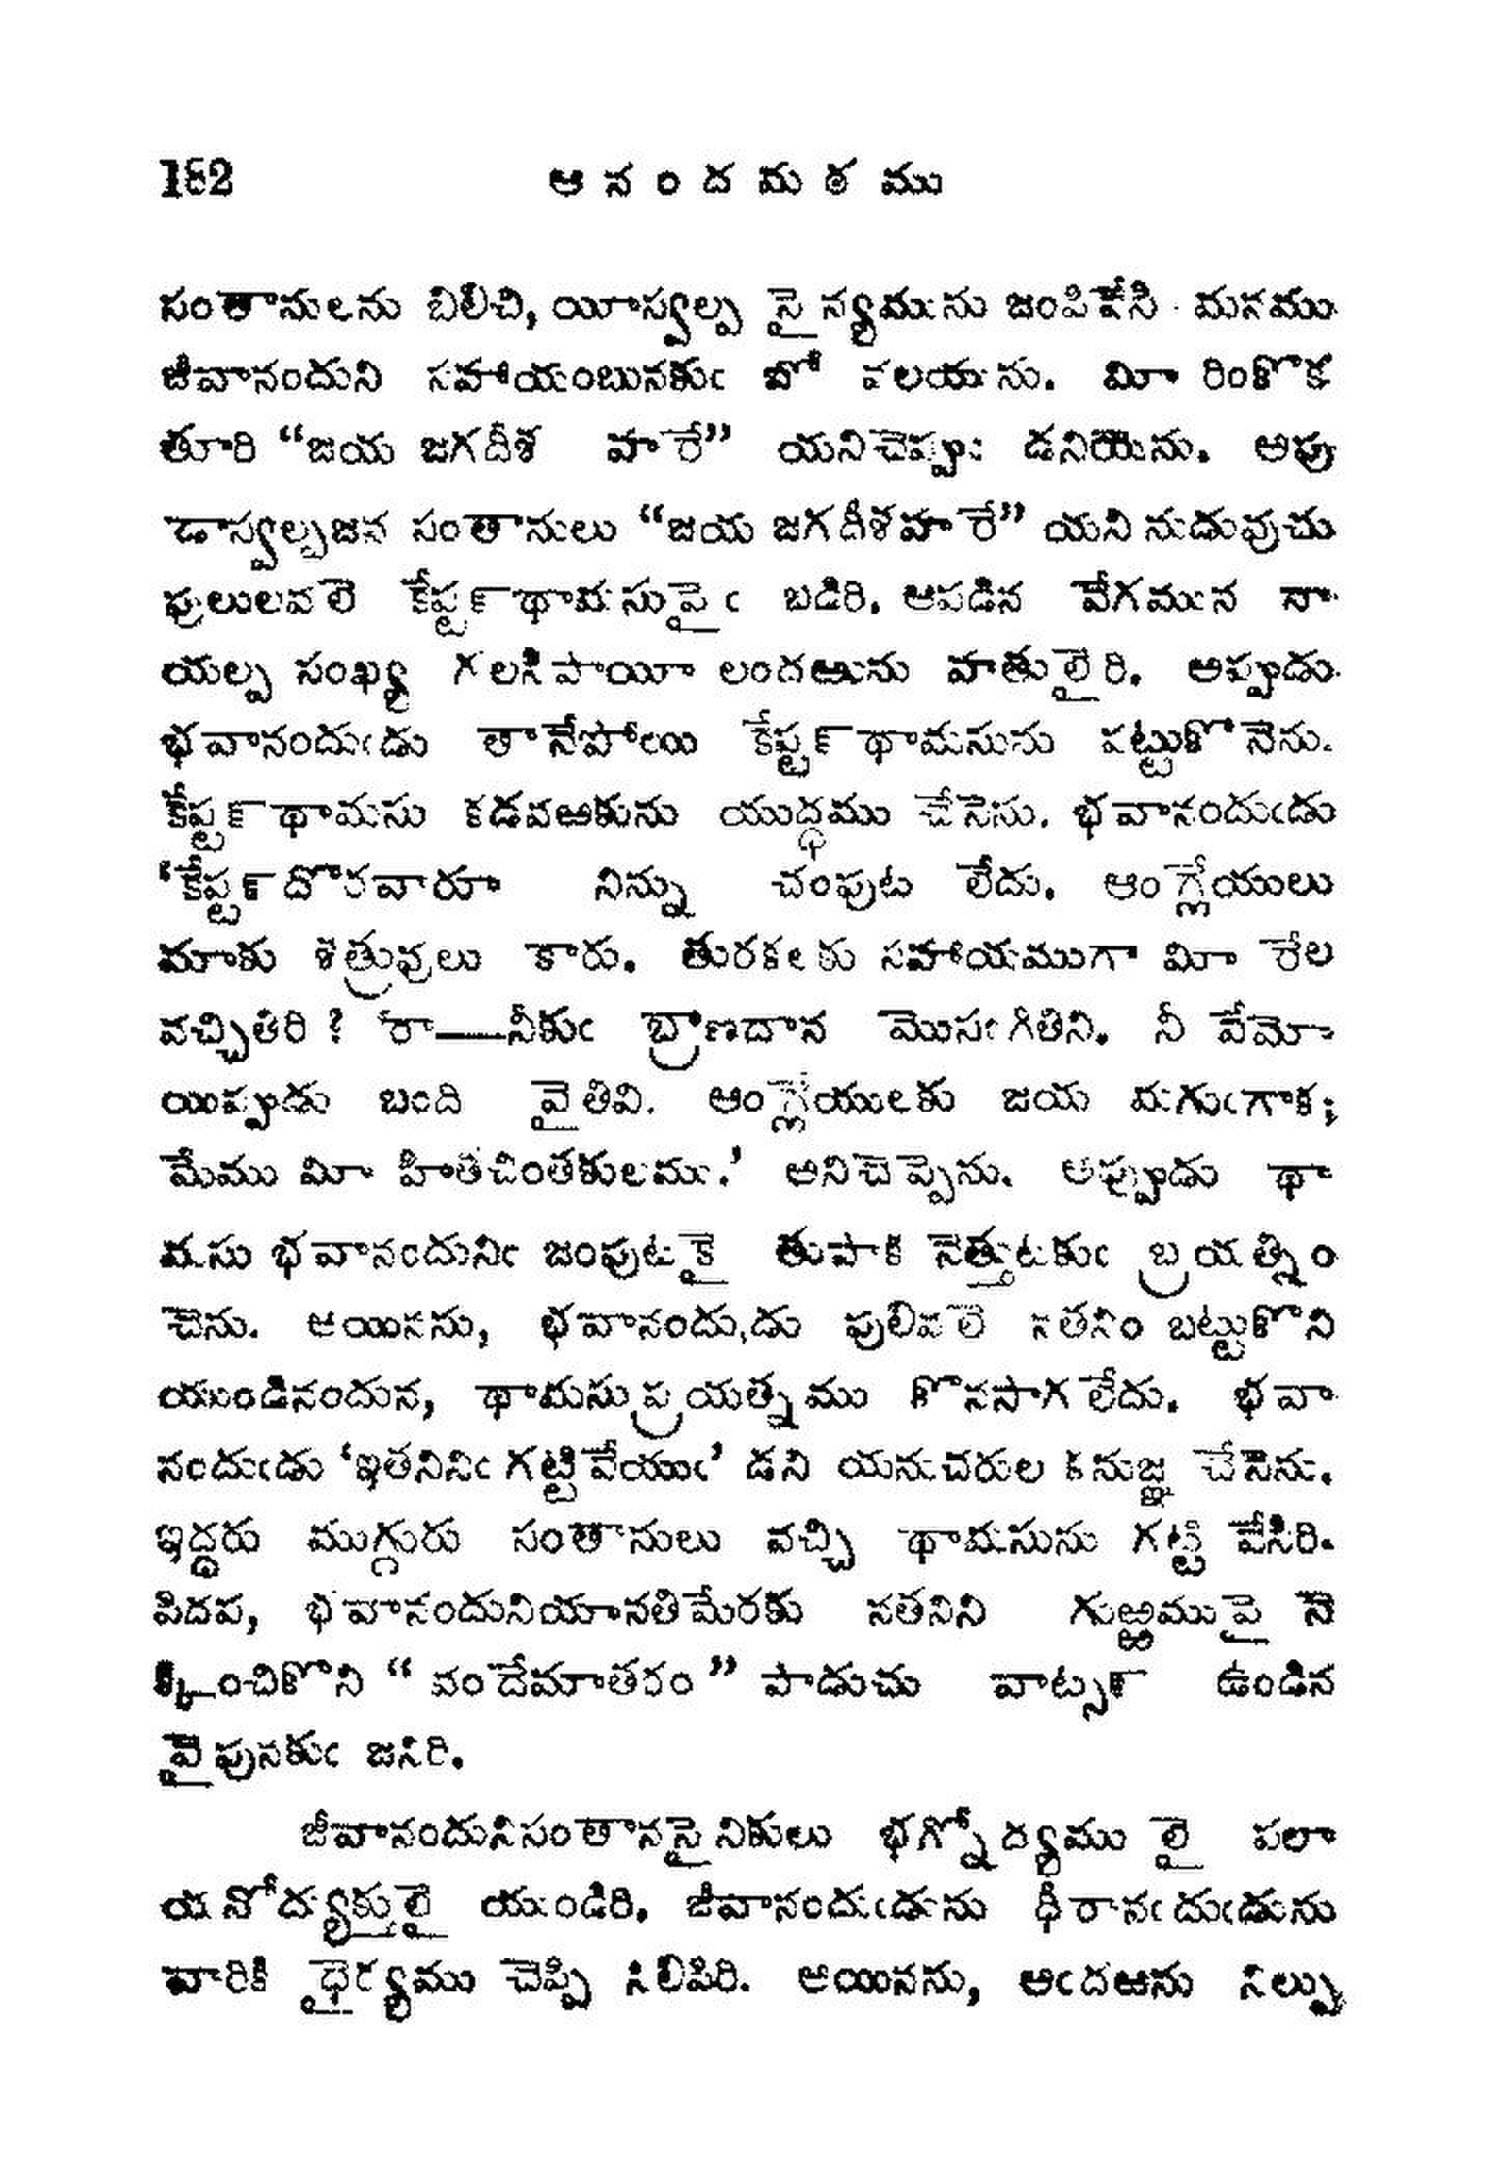సంతానులను బిలిచి, యీస్వల్ప సైన్యమును జంపివేసి మనము జీవానందుని సహాయంబునకుఁ బోవలయును. మీరింకొక
తూరి “జయ జగదీశ హరే” యని చెప్పుఁ డనియెను. అపుడాస్వల్బజన సంతానులు “జయ జగదీశ హరే” యని నుడువుచు పులులవలే కేష్ట౯ థామసుపైఁ బడిరి. ఆపడిన వేగమున నాయల్ప సంఖ్య గల సిపాయీ లందఱును హతులైరి. అప్పుడు భవానందుఁడు తానేపోయి కేప్టర్ థామసును పట్టుకోనెను. కేప్ట౯ థామసు కడవఱకును యుద్ధము చేసెను. భవానందుఁడు 'కేష్ట౯ దొరవారూ నిన్ను చంపుట లేదు. ఆంగ్లేయులు మాకు శత్రువులు కారు. తురకలకు సహాయముగా మీరేల వచ్చితిరి? 'రా—— నీకుఁ బ్రాణదాన మొసఁ గితిని. నీ వేమో యిప్పుడు బంది వైతివి. ఆంగ్లేయులకు జయ మగుఁగాక; మేము మీ హితచింతకులము.' అని చెప్పెను, అప్పుడు థామసు భవానందునిఁ జంపుటకై తుపాకి నెత్తుటకుఁ బ్రయత్నించెను. అయినను, భవానందుడు పులివలే నతనిం బట్టుకొని యుండినందున, థామసు ప్రయత్నము కొనసాగలేదు. భవానందుఁడు 'ఇతనినిఁ గట్టి వేయుఁ' డని యనుచరుల కనుజ్క్ష చేసెను, ఇద్దరు ముగ్గురు సంతానులు వచ్చి 'థామసును గట్టి వేసిరి.
పిదప, భవానందునియానతి మేరకు నతనిని గుఱ్ఱముపై నెక్కించికొని " వందేమాతరం ” పాడుచు వాట్స౯ ఉండిన వైపునకుఁ జనిరి.

జీవానందుని సంతాన సైనికులు భగ్నోద్యము లై పలా యనోద్యక్తులై యుండిరి. జీవానందుఁడును ధీరానఁదుఁడును
వారికి ధైర్యము చెప్పి నిలిపిరి. అయినను, అందఱను నిల్పు,